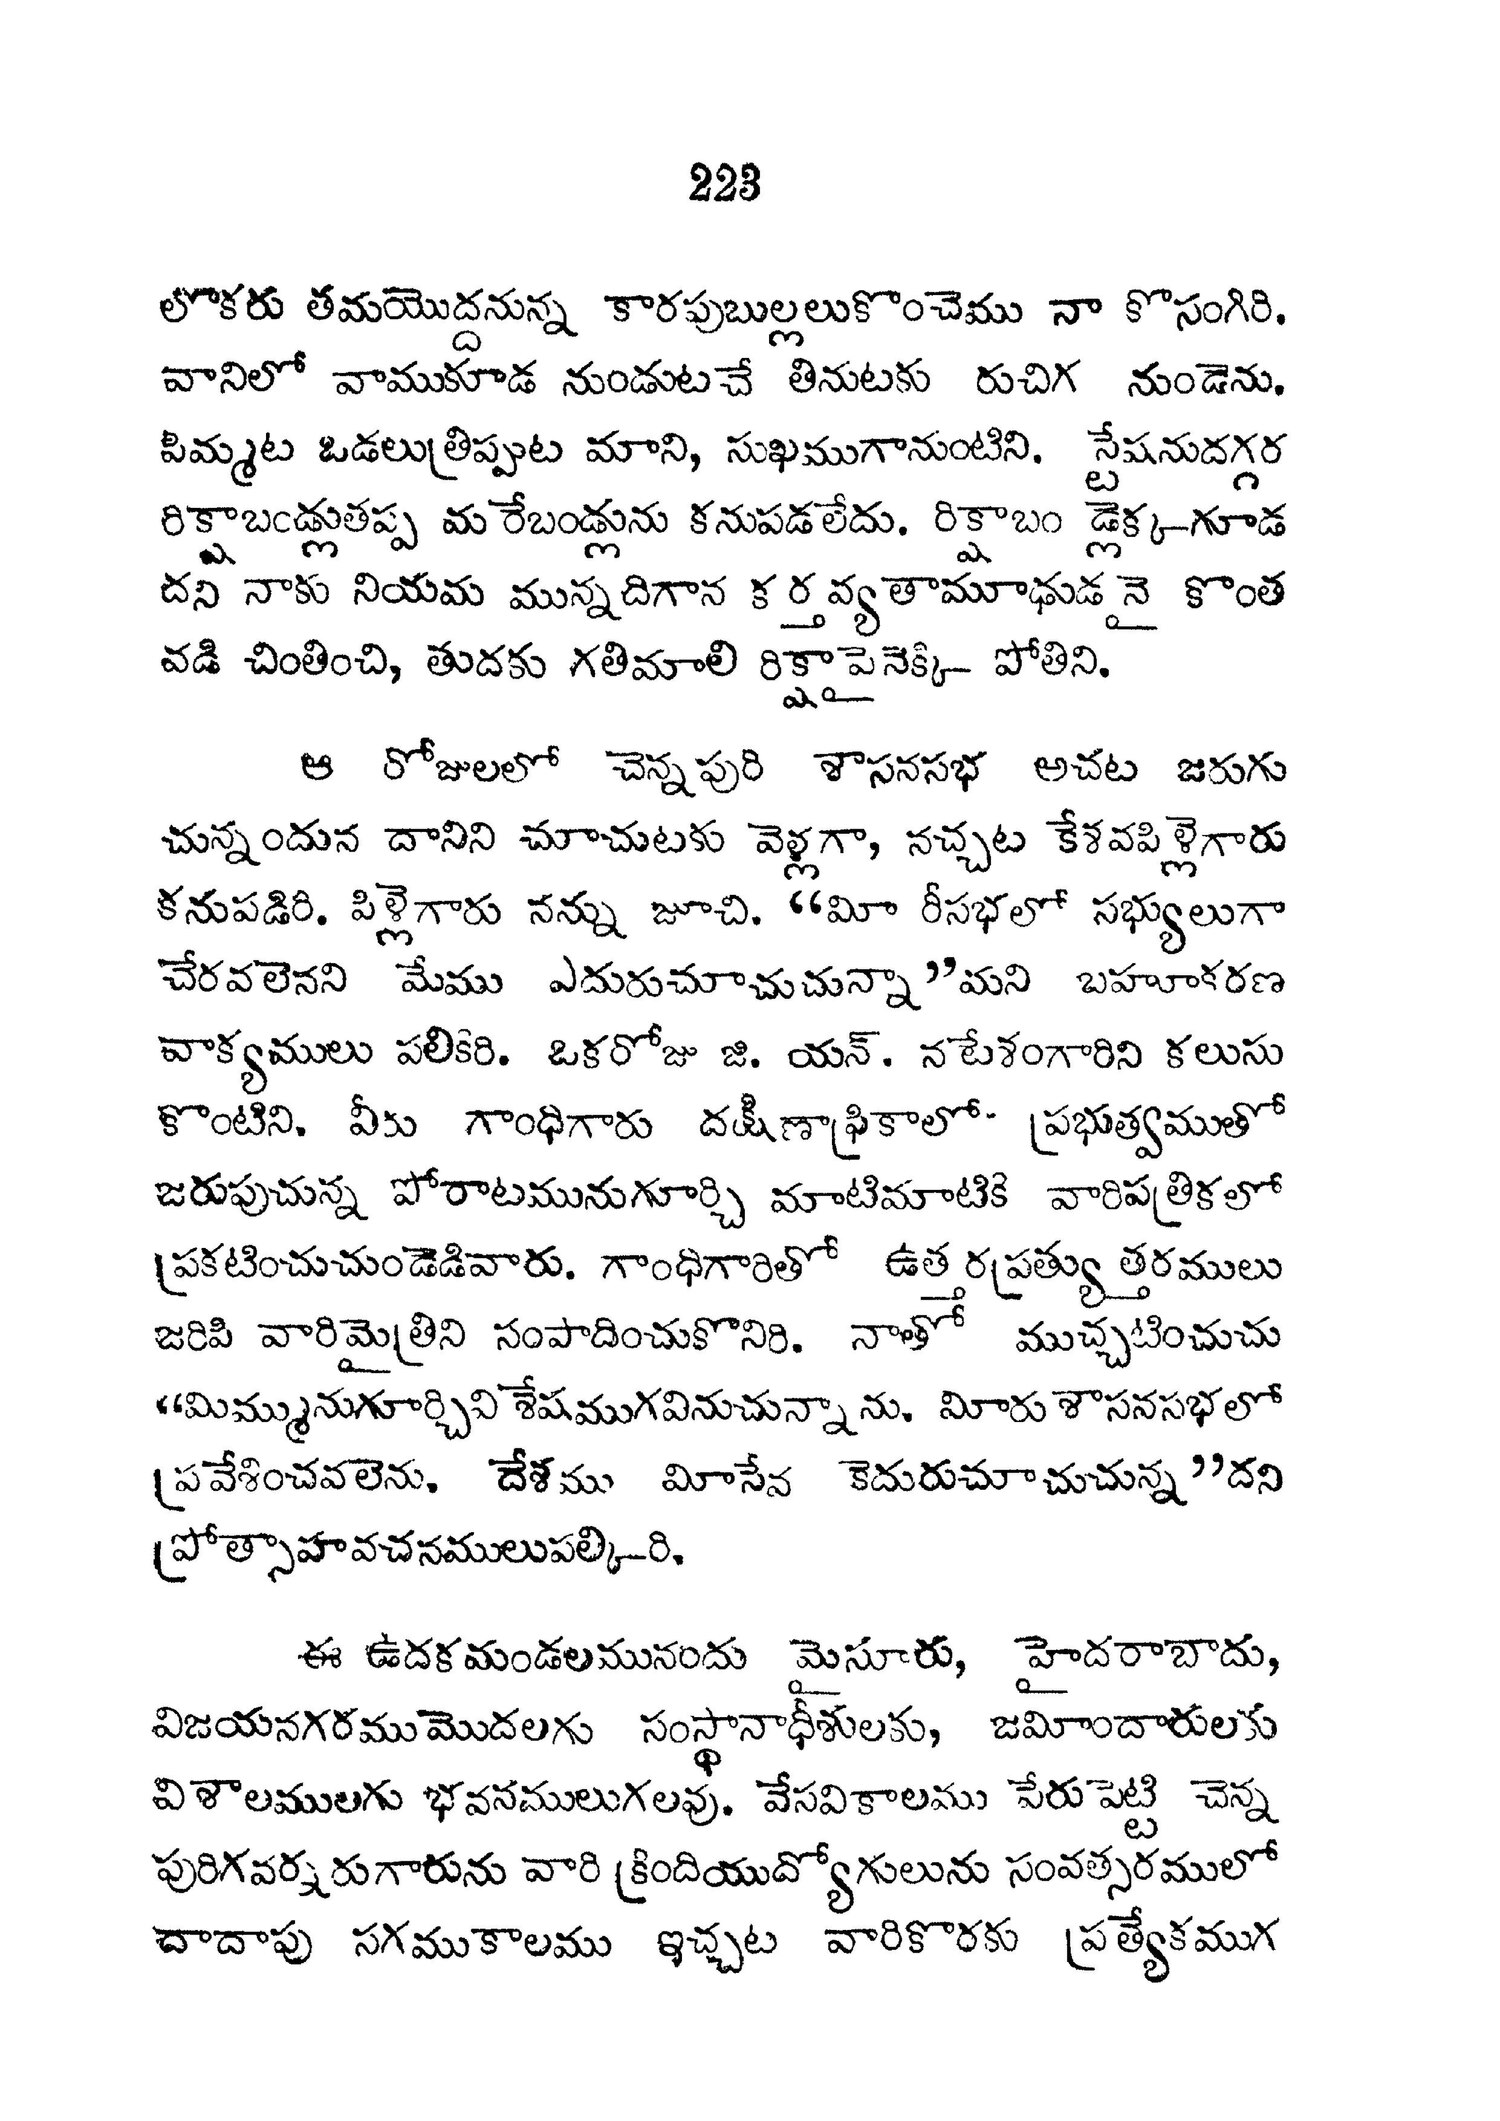లొకరు తమయొద్దనున్న కారపుబుల్లలుకొంచెము నా కొసంగిరి. వానిలో వాముకాడ నుండుటచే తినుటకు రుచిగ నుండెను. పిమ్మట ఒడలుత్రిప్పుట మాని, సుఖముగానుంటిని. స్టేషనుదగ్గర రిక్షాబండ్లుతప్ప మరేబండ్లును కనుపడలేదు. రిక్షాబం డ్లెక్కగూడదని నాకు నియమ మున్నదిగాన కర్తవ్యతాఅమూడుడనై కొంతవడి చింతించి, తుదకు గతిమాలి రిక్షాపైనెక్కి పోతిని.

ఆ రోజులలో చెన్నపురి శాసనసభ అచట జరుగుచున్నందున దానిని చూచుటకు వెళ్లగా, నచ్చట కేశవపిళ్ళెగారు కనుపడిరి. పిళ్ళెగారు నన్ను జూచి "మీ రిసభలో సభ్యులుగా చేరవలెనని మేము ఎదురుచూచుచున్నా"మని బహూకరణ వాక్యములు పలికిరి. ఒకరోజు జి. యన్. నటేశంగారిని కలుసుకొంటిని. వీరు గాంధిగారు దక్షిణాఫ్రికాలో ప్రభుత్వముతో జరుపుచున్న పోరాటమునుగూర్చి మాటిమాటికి వారిపత్రికలో ప్రకటించుచుండెడివారు. గాంధిగారితో ఉత్తరప్రత్యుత్తరములు జరిపి వారిమైత్రిని సంపాదించుకొనిరి. నాతో ముచ్చటించుచు "మిమ్మునుగూర్చివిశేషముగవినుచున్నాను. మీరుశాసనసభలో ప్రవేశించవలెను. దేశము మీసేవ కెదురుచూచుచున్న"దని ప్రోత్సాహవచనములుపల్కిరి.

ఈ ఉదకమండలమునందు మైసూరు, హైదరాబాదు, విజయనగరముమొదలగు సంస్థానాధీశులకు, జమీందారులకు విశాలములగు భవనములుగలవు. వేసవికాలము పేరుపెట్టి చెన్నపురిగవర్నరుగారును వారి క్రిందియుద్యోగులును సంవత్సరములో దాదాపు సగముకాలము ఇచ్చట వారికొరకు ప్రత్యేకముగ